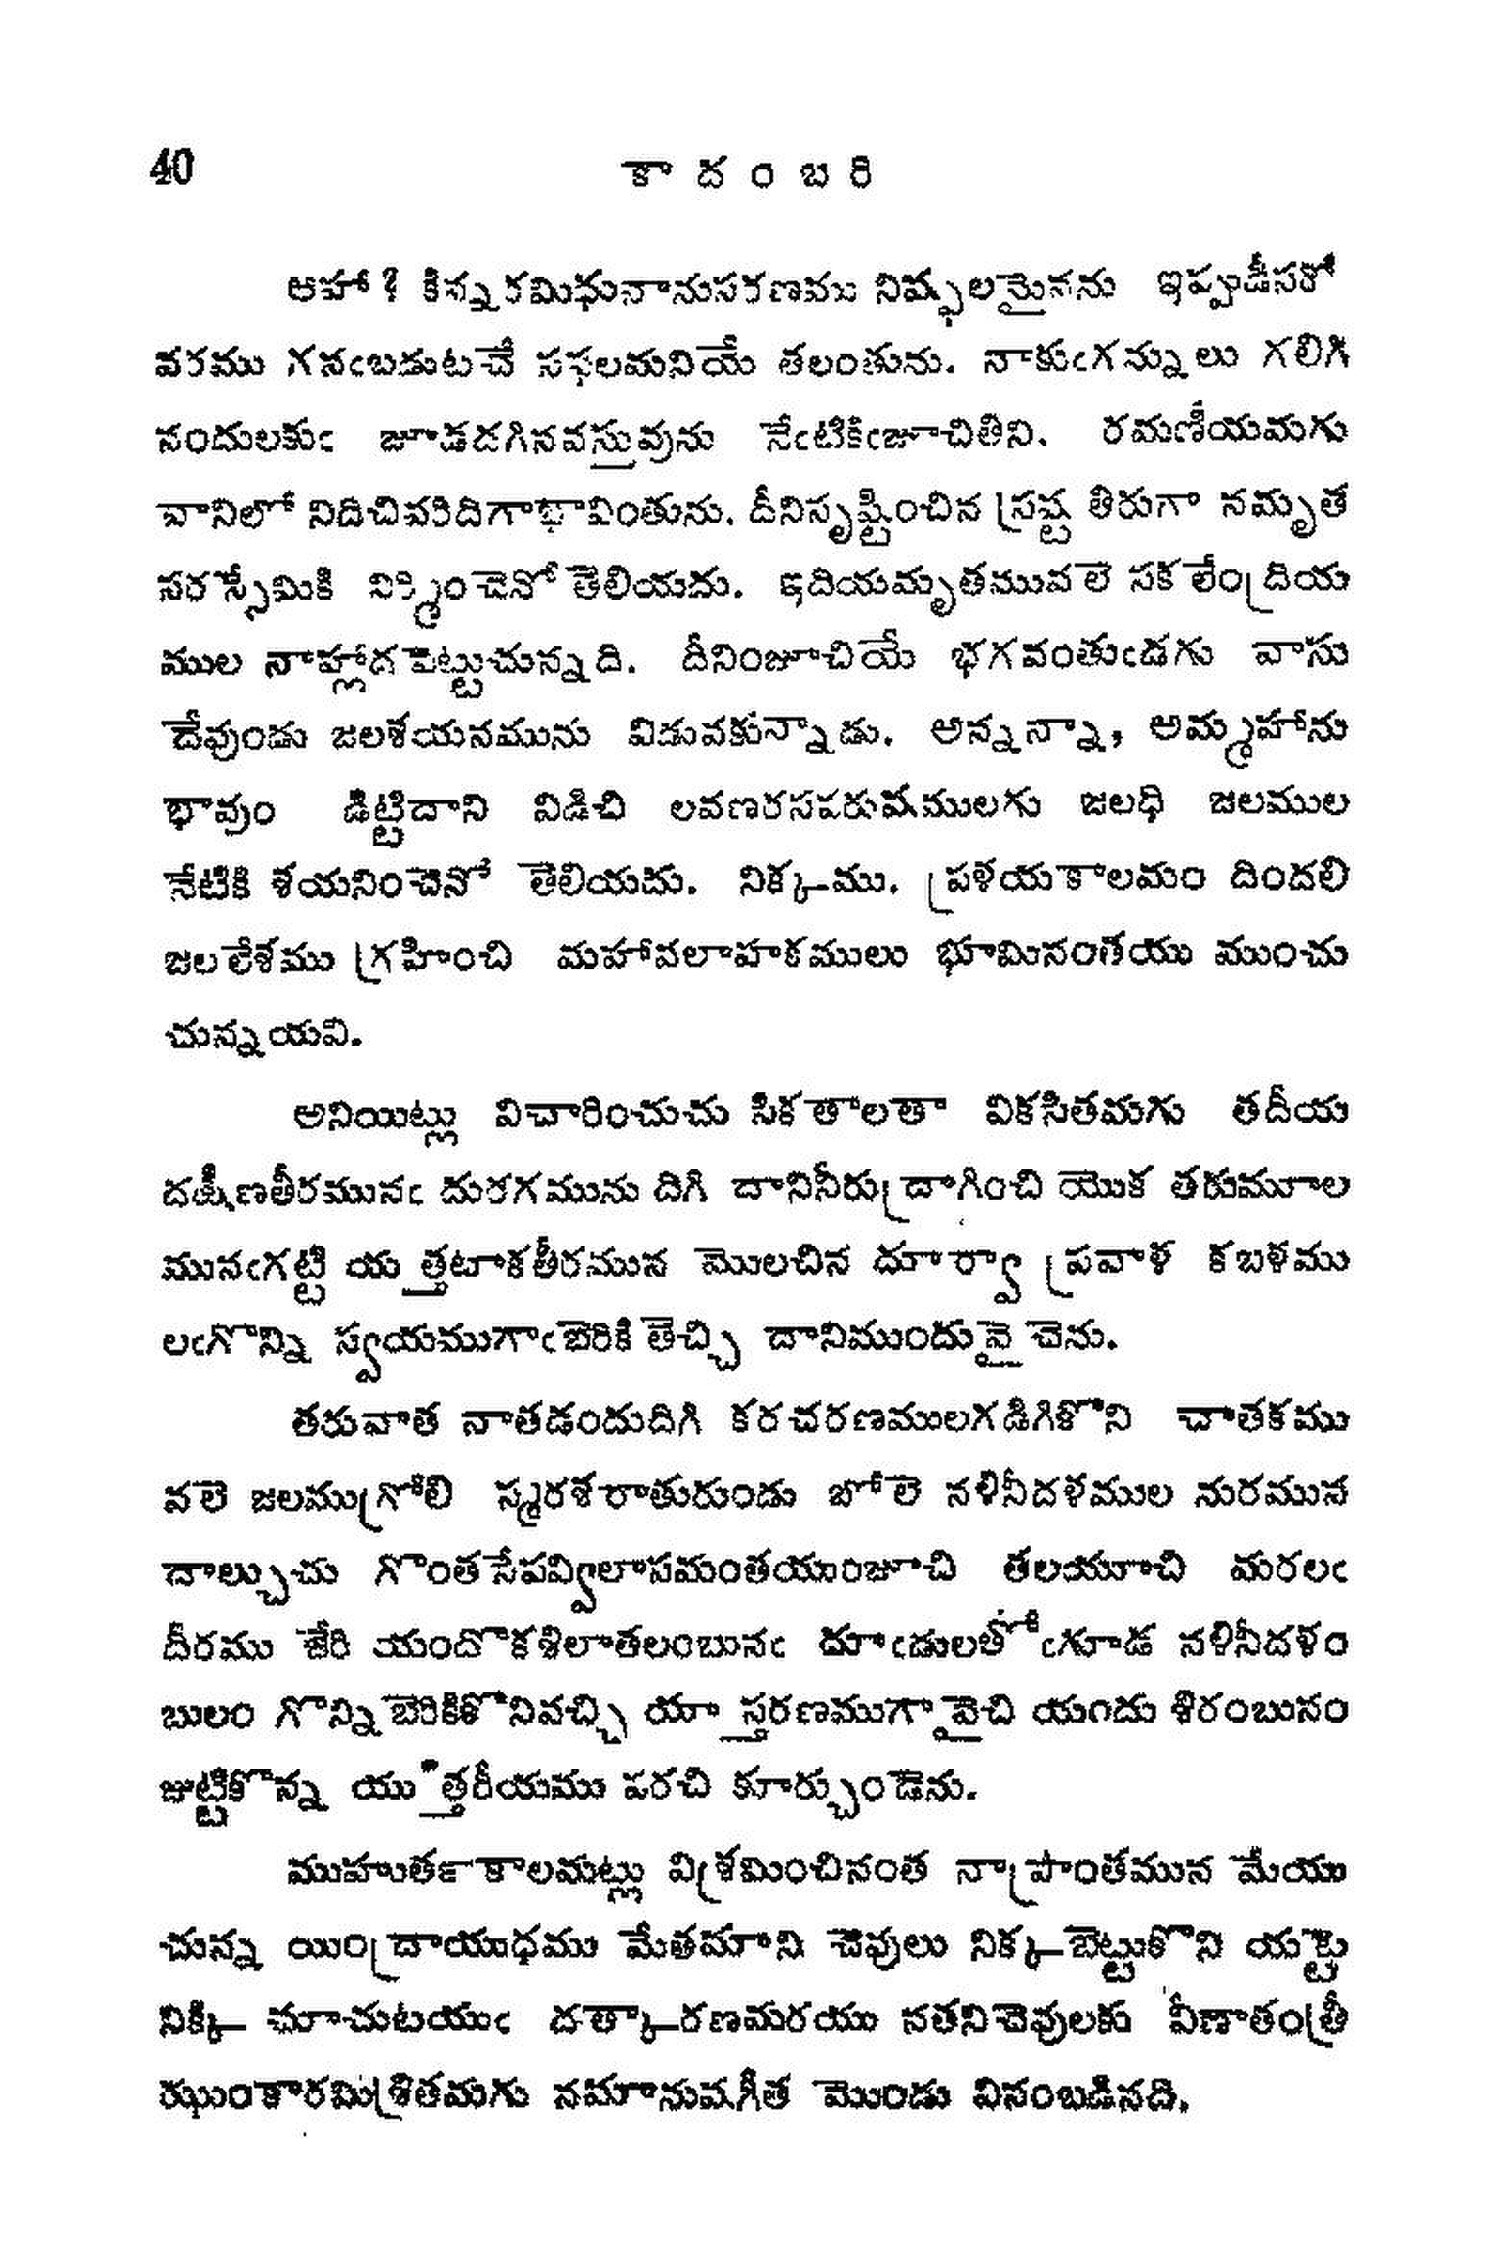ఆహా? కిన్నరమిధునానుసరణము నిష్ఫలమైనను ఇప్పుడీసరోవరము గనఁబడుటచే సఫలమనియే తలంతును. నాకుఁగన్నులు గలిగినందులకుఁ జూడదగినవస్తువును నేఁటికిఁజూచితిని. రమణీయమగు వానిలో నిదిచివరిదిగా భావింతును. దీనిసృష్టించిన స్రష్ట తిరుగా నమృత సరస్సేమికి నిర్మించెనోతెలియదు. ఇదియమృతమువలె సకలేంద్రియముల నాహ్లాదపెట్టుచున్నది. దీనింజూచియే భగవంతుఁడగు వాసుదేవుండు జలశయనమును విడువకున్నాడు. అన్నన్నా, అమ్మహానుభావుం డిట్టిదాని విడిచి లవణరసపరుషములగు జలధి జలముల నేటికి శయనించెనో తెలియదు. నిక్కము. ప్రళయకాలమం దిందలి జలలేశము గ్రహించి మహావలాహకములు భూమినంతయు ముంచు చున్నయవి.

అనియిట్లు విచారించుచు సికతాలతా వికసితమగు తదీయ దక్షిణతీరమునఁ దురగమును దిగి దానినీరుద్రాగించి యొక తరుమూలమునఁగట్టి యత్తటాకతీరమున మొలచిన దుర్వా ప్రవాళ కబళములఁగొన్ని స్వయముగాఁబెరికితెచ్చి దానిముందువై చెను.

తరువాత నాతడందుదిగి కరచరణములగడిగికొని చాతకమువలె జలముగ్రోలి స్మరశరాతురుండు బోలె నళినీదళముల నురమున దాల్చుచు గొంతసేపవ్విలాసమంతయుంజూచి తలయూచి మరలఁ దీరము జేరి యందొకశిలాతలంబునఁ దూఁడులతోఁగూడ నళినీదళంబులం గొన్ని బెరికికొనివచ్చి యాస్తరణముగావైచి యందు శిరంబునం జుట్టికొన్న యుత్తరీయము పరచి కూర్చుండెను.

ముహుత౯కాలమట్లు విశ్రమించినంత నాప్రాంతమున మేయుచున్న యింద్రాయుధము మేతమాని చెవులు నిక్కబెట్టుకొని యట్టె నిక్కి చూచుటయుఁ దత్కారణమరయ నతనిచెవులకు వీణాతంత్రీ ఝుంకారమిశ్రితమగు నమానుషగీత మొండు వినంబడినది.